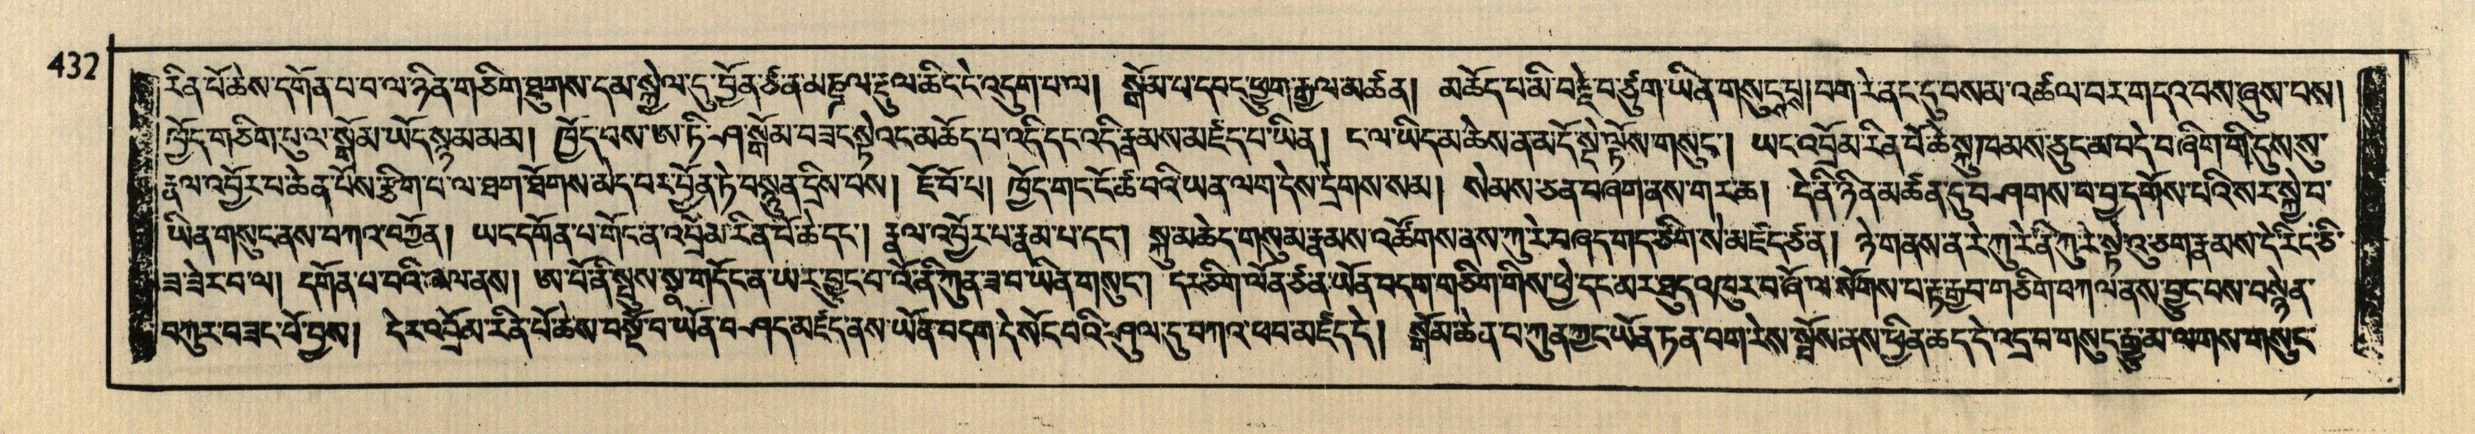རིན་པོ་ཆེས་དགོན་པ་བ་ལ་ཉིན་གཅིག་ཐུགས་དམ་སྐྱེལ་དུ་བྱོན་ཙ་ན་མཎྜལ་རྡུལ་ཆིང་ངེ་འདུག་པ་ལ། སྒོམ་པ་དབང་ཕྱུག་རྒྱལ་མཚན། མཆོད་པ་མི་བརྗེ་བ་ཙུག་ཡིན་གསུངས་པས། བག་རེ་ནང་དུ་བསམ་འཚལ་བར་གདའ་བས་ཞུས་བས།
ཁྱོད་གཅིག་པུ་ལ་སྒོམ་ཡོད་སྙམ་མམ། ཁྱོད་བས་ཨ་ཏི་ཤ་སྒོམ་བཟང་སྟེའང་མཆོད་པ་འདི་དང་འདི་རྣམས་མཛད་པ་ཡིན། ང་ལ་ཡིད་མ་ཆེས་ན་མདོ་སྡེ་ལྟོས་གསུང་། ཡང་འབྲོམ་རིན་པོ་ཆེ་སྐུ་ཁམས་ཅུང་མ་བདེ་བ་ཞིག་གི་དུས་སུ་
རྣལ་འབྱོར་པ་ཆེན་པོས་རྩིག་པ་ལ་ཐག་ཐོགས་མེད་པར་བྱོན་ཏེ་བསྙུན་དྲིས་པས། ཇོ་བོ་པ། ཁྱོད་གང་ངོ་ཚ་བའི་ཡན་ལག་དེས་དྲེགས་སམ། སེམས་ཅན་བཞག་ནས་གར་ཆ། དེ་ནི་ཉིན་མཚན་དུ་བཤགས་པ་བྱ་དགོས་པའི་སར་སྐྱེ་བ་
ཡིན་གསུང་ནས་བཀའ་བཀྱོན། ཡང་དགོན་པ་གོང་ན་འབྲོམ་རིན་པོ་ཆེ་དང་། རྣལ་འབྱོར་པ་རྣམ་པ་དང་། སྐུ་མཆེད་གསུམ་རྣམས་འཚོགས་ནས་ཀུ་རེ་བཞད་གད་ཙིག་སེ་མཛད་ཙ་ན། ཉེ་གནས་ན་རེ་ཀུ་རེ་ནི་ཀུ་རེ་སྟེའུ་ཅག་རྣམས་དེ་རིང་ཅི་
ཟ་ཟེར་བ་ལ། དགོན་པ་བའི་ཞལ་ནས། ཨ་པོ་ནི་སྤུས་སྣ་གདོང་ན་ཡར་བྱུང་བ་འོ་ནི་ཀུན་ཟ་བ་ཡིན་གསུང་། དར་ཅིག་ལོན་ཙ་ན་ཡོན་བདག་གཅིག་གིས་ཕྱེ་དང་མར་ཐུད་འཁུར་བ་ཞོ་ལ་སོགས་པ་རྟ་རྒྱབ་གཅིག་བཀལ་ནས་བྱུང་བས་བསྙེན་
བཀུར་བཟང་པོ་བྱས། དེར་འབྲོམ་རིན་པོ་ཆེས་བསྔོ་བ་ཡོན་བཤད་མཛད་ནས་ཡོན་བདག་དེ་སོང་བའི་ཤུལ་དུ་བཀའ་ཕབ་མཛད་དེ། སྒོམ་ཆེན་བ་ཀུན་ཀྱང་ཡོན་ཏན་བག་རེས་སྦོས་ནས་ཕྱིན་ཆད་དེ་འདྲ་བ་གསུང་རྒྱུ་མ་ལགས་གསུང་